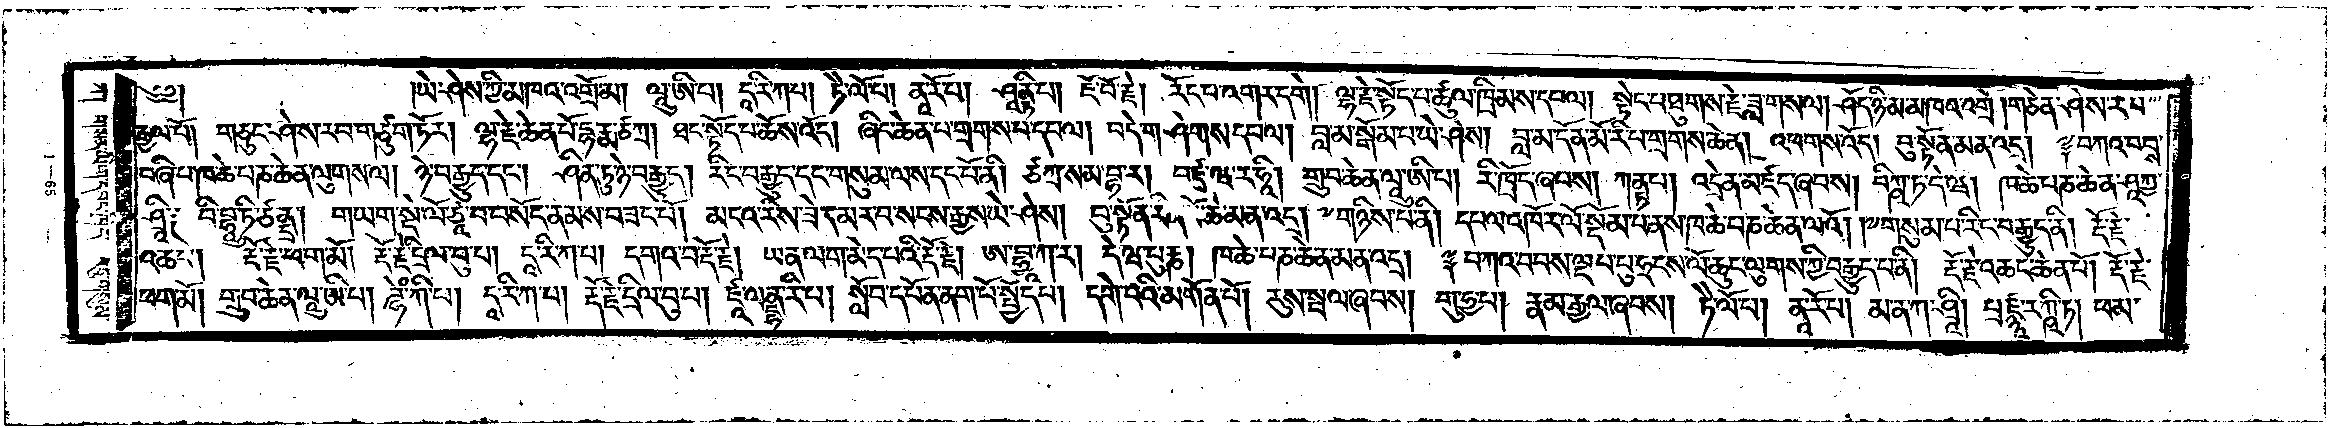༄༅། །ཡེ་ཤེས་ཀྱི་མཁའ་འགྲོ་མ་ལཱུ་ཨི་པ། དཱ་རི་ཀ་པ། ཏཻ་ལོ་པ། ནཱ་རོ་པ། ཤཱནྟི་པ། ཇོ་བོ་རྗེ། རོང་པ་འགར་དགེ། ལྷ་རྗེ་སྟོད་པ་ཚུལ་ཁྲིམས་དཔལ། སྟེང་པ་ཐུགས་རྗེ་ཟླ་གསལ། ཤོད་ཉི་མ་མཁའ་འགྲོ། གཅེན་ཤེས་རབ་
རྒྱལ་པོ། གཅུང་ཤེས་རབ་གཙུག་ཏོར། ལྷ་རྗེ་ཆེན་པོ་དྷརྨ་ཙཀྲ། ཐང་སྟོད་པ་ཆོས་འོད། ཞིང་ཆེན་པ་གྲགས་པ་དཔལ། བདེ་གཤེགས་དཔལ། བླ་མ་སྒོམ་པ་ཡེ་ཤེས། བླ་མ་དོན་མོ་རི་པ་གྲགས་ཆེན། འཕགས་འོད། བུ་སྟོན་མན་འདྲ། འབྐའ་བབས་
བཞི་པ་ཁ་ཆེ་པཎ་ཆེན་ལུགས་ལ། ཉེ་བརྒྱུད་དང་། ཤིན་ཏུ་ཉེ་བརྒྱུད། རིང་བརྒྱུད་དང་གསུམ་ལས་དང་པོ་ནི། ཙཀྲ་སམ་བྷ་ར། བཛྲ་ཝ་ར་ཧཱི། གྲུབ་ཆེན་ལཱུ་ཨི་པ། རི་ཁྲོད་ཞབས། ཀནྟ་པ། འདྲེན་མཛད་ཞབས། བིཀྵ་ཏ་དེ་ཝ། ཁ་ཆེ་པཎ་ཆེན་ཤཱཀྱ་
ཤྲཱི༑ བི་བྷཱུ་ཏི་ཙནྡྲ། གཡག་སྡེ་ལོ་ཙཱ་བ་བསོད་ནམས་བཟང་པོ། མངའ་རིས་ཟེ་དམར་བ་སངས་རྒྱས་ཡེ་ཤེས། བུ་སྟོན་རིན་པོ་ཆེ་མན་འདྲ། གཉིས་པ་ནི། དཔལ་འཁོར་ལོ་སྡོམ་པ་ནས་ཁ་ཆེ་པཎ་ཆེན་ལའོ། །༧གསུམ་པ་རིང་བརྒྱུད་ནི། རྡོ་རྗེ་
འཆང་། རྡོ་རྗེ་ཕག་མོ། རྡོ་རྗེ་དྲིལ་བུ་པ། དཱ་རི་ཀ་པ། དགའ་བ་རྡོ་རྗེ། ཡན་ལག་མེད་པའི་རྡོ་རྗེ། ཨ་བྷྱ་ཀ་ར། དེ་ཝ་པུརྞ། ཁ་ཆེ་པཎ་ཆེན་མན་འདྲ། འ་བཀའ་བབས་ལྔ་པེ་པུ་ཧྲངས་ལོ་ཆུང་ལུགས་ཀྱི་བརྒྱུད་པ་ནི། རྡོ་རྗེ་འཆང་ཆེན་པོ། རྡོ་རྗེ་
ཕག་མོ། གྲུབ་ཆེན་ལཱུ་ཨི་པ། ཌྷེཾ་ཀི་པ། དཱ་རི་ཀ་པ། རྡོ་རྗེ་དྲིལ་བུ་པ། ཛཱ་ལནྡྷ་རི་པ། སློབ་དཔོན་ནག་པོ་སྤྱོད་པ། དགེ་བའི་མགོན་པོ། རུས་སྦལ་ཞབས། གུ་ཧྱ་པ། རྣམ་རྒྱལ་ཞབས། ཏཻ་ལོ་པ། ནཱ་རོ་པ། མ་ན་ཀ་ཤྲཱི། པྲ་ཛྙཱ་ར་ཀྵི་ཏ། ཕ་མ་